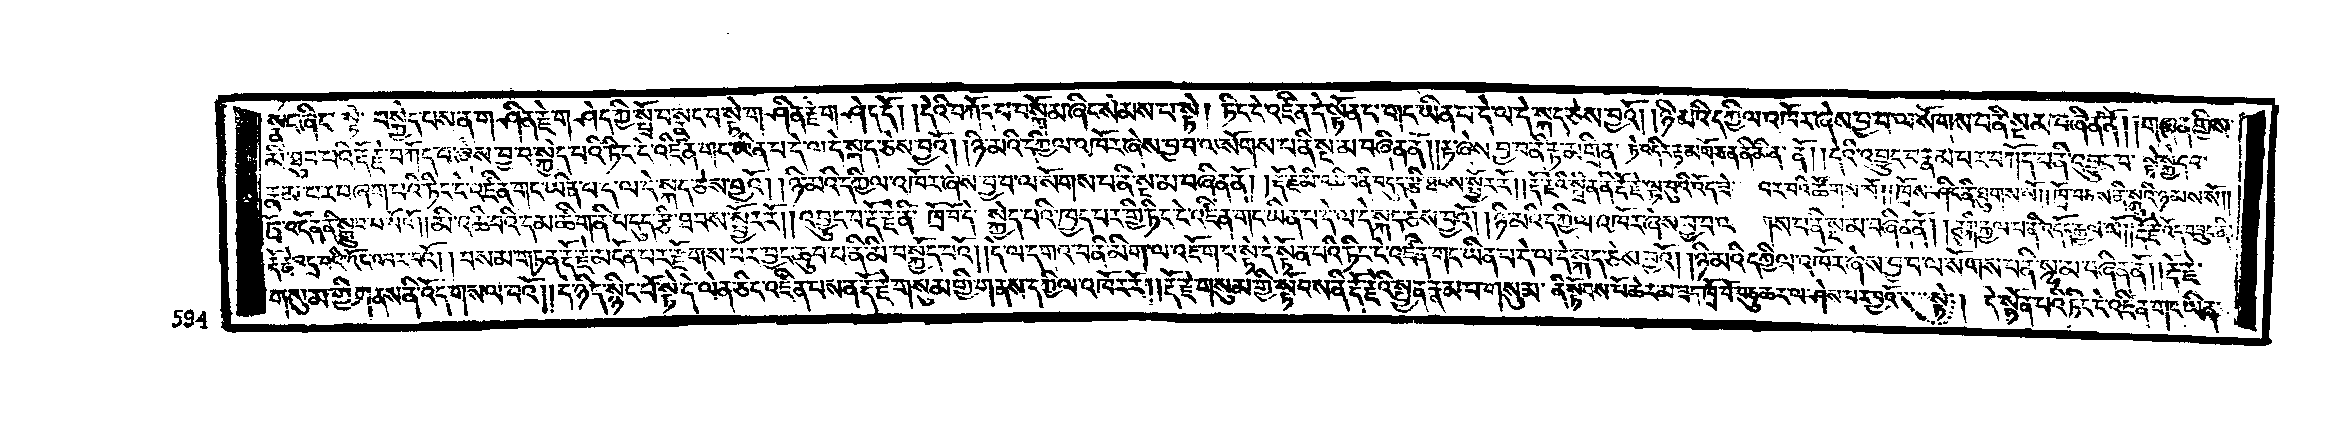སྣང་ཞིང་སྟེ་བསྐྱེད་པས་ན་གཤིན་རྗེ་གཤེད་ཀྱི་སྤྲོ་བ་སྣང་བ་སྟེ་གཤིན་རྗེ་གཤེད་དོ། །དེའི་བཀོད་པ་བསྒོམ་ཞིང་སེམས་པ་སྟེ། ཏིང་ངེ་འཛིན་དེ་སྟོན་པ་གང་ཡིན་པ་དེ་ལ་དེ་སྐད་ཅེས་བྱའོ། །ཉི་མའི་དཀྱིལ་འཁོར་ཞེས་བྱ་བ་ལ་སོགས་པ་ནི་སྔ་མ་བཞིན་ནོ། །གཞན་གྱིས་
མི་ཐུབ་པའི་རྡོ་རྗེ་བཀོད་པ་ཞེས་བྱ་བ་སྐྱེད་པའི་ཏིང་ངེ་འཛིན་གང་ཡིན་པ་དེ་ལ་དེ་སྐད་ཅེས་བྱའོ། །ཉི་མའི་དཀྱིལ་འཁོར་ཞེས་བྱ་བ་ལ་སོགས་པ་ནི་སྔ་མ་བཞིན་ནོ། །རྟ་ཞེས་བྱ་བ་ནི་རྟ་མགྲིན་ཏེ་འདིར་རྟ་མགོ་ཅན་ནི་མིན་ནོ། །དེའི་འབྱུང་བ་རྣམ་པར་བཀོད་པ་ནི་འབྱུང་བ་སྟེ་སྐྱེད་པ་
རྣམ་པར་བཞག་པའི་ཏིང་ངེ་འཛིན་གང་ཡིན་པ་དེ་ལ་དེ་སྐད་ཅེས་འོ། །ཉི་མའི་དཀྱིལ་འཁོར་ཞེས་བྱ་བ་ལ་སོགས་པ་ནི་སྔ་མ་བཞིན་ནོ། །རྡོ་རྗེ་མི་འཆི་བ་ནི་བདུད་རྩི་ཐབས་སྦྱོར་རོ། །རྡོ་རྗེའི་སྤྲིན་ནི་རྡོ་རྗེ་ལྟ་བུའི་འོད་ཟེར་འབར་བའི་ཚོགས་སོ། །ཁྲོས་ཤིང་ནི་ཐུགས་སོ། །ཁྲོ་བཅས་ནི་སྐུའི་ཉམས་སོ།།
ཁྲོ་འཛིན་ནི་སྒྲུབ་པ་པོའོ། །མི་འཆི་བའི་དམ་ཚིག་ནི་བདུད་རྩི་ཐབས་སྦྱོར་རོ། །འབྱུང་བ་རྡོ་རྗེ་ནི་ཁྲོ་བོ་དེ་སྐྱེད་པའི་ཁྱད་པར་གྱི་ཏིང་ངེ་འཛིན་གང་ཡིན་པ་དེ་ལ་དེ་སྐད་ཅེས་བྱའོ། །ཉི་མའི་དཀྱིལ་འཁོར་ཞེས་བྱ་བ་ལ་སོགས་པ་ནི་སྔ་མ་བཞིན་ནོ། །ཊཀྐི་རྒྱལ་བ་ནི་འདོད་རྒྱལ་ལོ། །རྡོ་རྗེ་འོད་བཟུང་ནི་
རྡོ་རྗེ་འདྲ་བའི་འོད་འབར་བའོ། །བསམ་གཏན་རྡོ་རྗེ་མངོན་པར་རྫོགས་པར་བྱང་ཆུབ་པ་ནི་མི་བསྐྱོད་པའོ། །དེ་ལ་དགའ་བ་ནི་མིག་ལ་འཇོག་པ་སྟེ་དེ་སྟོན་པའི་ཏིང་ངེ་འཛིན་གང་ཡིན་པ་དེ་ལ་དེ་སྐད་ཅེས་བྱའོ། །ཉི་མའི་དཀྱིལ་འཁོར་ཞེས་བྱ་བ་ལ་སོགས་པ་ནི་སྔ་མ་བཞིན་ནོ། །རྡོ་རྗེ་
གསུམ་གྱི་གནས་ནི་འོད་གསལ་བའོ། །དེ་ཉིད་སྙིང་པོ་སྟེ་དེ་ལེན་ཅིང་འཛིན་པས་ན་རྡོ་རྗེ་གསུམ་གྱི་གནས་དཀྱིལ་འཁོར་རོ། །རྡོ་རྗེ་གསུམ་གྱི་སྟོབས་ནི་རྡོ་རྗེའི་སྤྱན་རྣམ་པ་གསུམ་ནི་སྟོབས་པོ་ཆེར་མ་ཟད་ཁྲོ་བོ་བཅུ་ཆར་ལ་ཤེས་པར་བྱའོ་སྟེ། དེ་སྟོན་པའི་ཏིང་ངེ་འཛིན་གང་ཡིན་